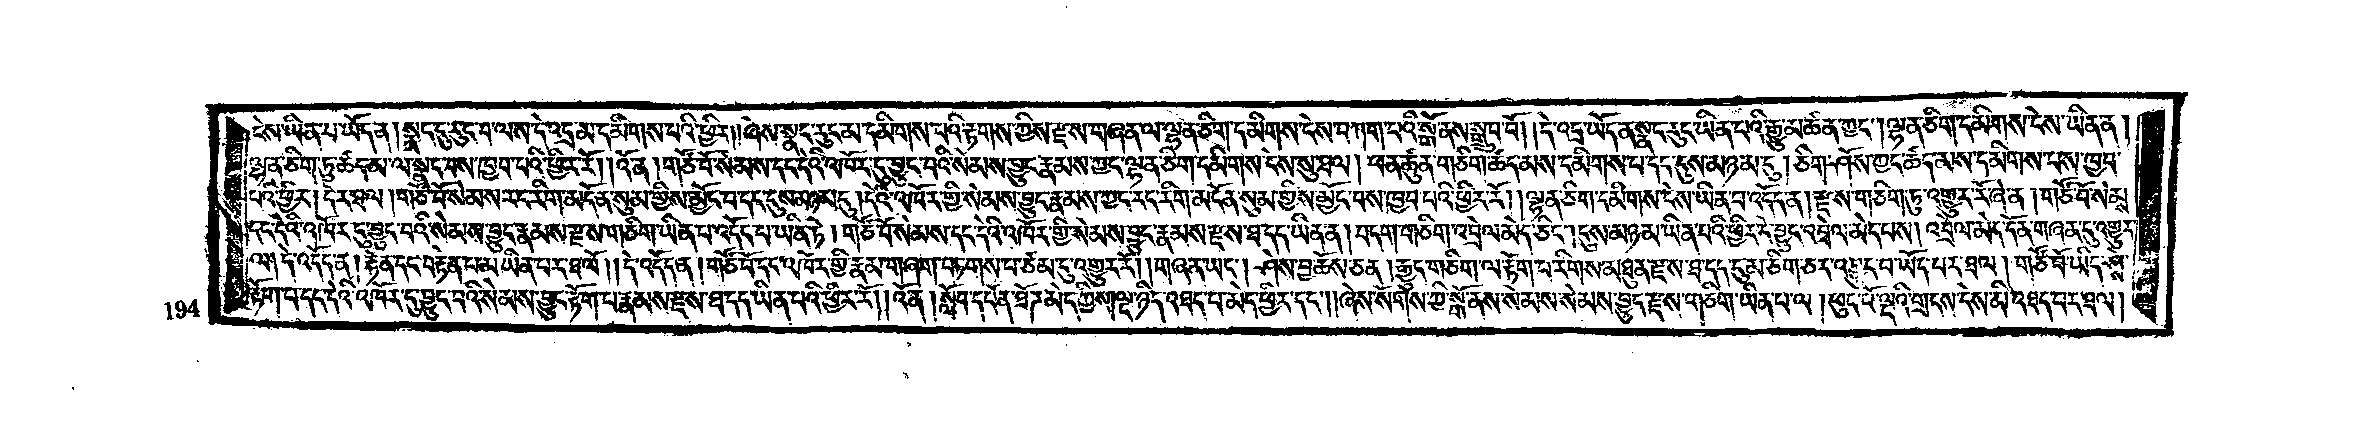ངེས་ཡིན་པ་ཡོད་ན། སྣང་དུ་རུང་བ་ལས་དེ་འདྲ་མའི་དམིགས་པའི་ཕྱིར། ཞེས་སྣང་རུང་མ་དམིགས་པའི་རྟགས་ཀྱིས་རྫས་གཞན་ལ་ལྷན་ཅིག་དམིགས་ངེས་བཀག་པའི་སྒོ་ནས་སྒྲུབ་བོ། །དེ་འདྲ་ཡོད་ན་སྣང་རུང་ཡིན་པའི་རྒྱུ་མཚན་ཀྱང་། ལྷན་ཅིག་དམིགས་ངེས་ཡིན་ན།
ལྷན་ཅིག་ཏུ་ཚད་མ་ལ་སྣང་བས་ཁྱབ་པའི་ཕྱིར་རོ། །འོ་ན། གཙོ་བོ་སེམས་དང་དེའི་འཁོར་དུ་བྱུང་བའི་སེམས་བྱུང་རྣམས་ཀྱང་ལྷན་ཅིག་དམིགས་ངེས་སུ་ཐལ། ཕན་ཚུན་གཅིག་ཚད་མས་དམིགས་པ་དང་དུས་མཉམ་དུ། ཅིག་ཤོས་ཀྱང་ཚད་མས་དམིགས་པས་ཁྱབ་
པའི་ཕྱིར། དེར་ཐལ། གཙོ་བོ་སེམས་རང་རིག་མངོན་སུམ་གྱིས་མྱོང་བ་དང་དུས་མཉམ་དུ། དེའི་འཁོར་གྱི་སེམས་བྱུང་རྣམས་ཀྱང་རང་རིག་མངོན་སུམ་གྱིས་མྱོང་བས་ཁྱབ་པའི་ཕྱིར་རོ། །ལྷན་ཅིག་དམིགས་ངེས་ངེས་ཡིན་པ་འདོད་ན། རྫས་གཅིག་ཏུ་འགྱུར་རོ་ཞེ་ན། གཙོ་བོ་སེམས་
དང་དེའི་འཁོར་དུ་བྱུང་བའི་སེམས་བྱུང་རྣམས་རྫས་གཅིག་ཡིན་པ་འདོད་པ་ཡིན་ཏེ། གཙོ་བོ་སེམས་དང་དེའི་འཁོར་གྱི་སེམས་བྱུང་རྣམས་རྫས་ཐ་དད་ཡིན་ན། བདག་གཅིག་འབྲེལ་མེད་ཅིང་། དུས་མཉམ་ཡིན་པའི་ཕྱིར་དེ་བྱུང་འབྲེལ་མེད་པས། འབྲེལ་མེད་དོན་གཞན་དུ་འགྱུར་
ལ། དེ་འདོད་ན། རྟེན་དང་བརྟེན་པ་མ་ཡིན་པར་ཐལ་ལོ། །དེ་འདོད་ན། གཙོ་བོ་དང་འཁོར་གྱི་རྣམ་གཞག་བཏགས་པ་ཙམ་དུ་འགྱུར་རོ། །གཞན་ཡང་། ཤེས་བྱ་ཆོས་ཅན། རྒྱུད་གཅིག་ལ་རྟོག་པ་རིགས་མཐུན་རྫས་ཐ་དད་དུ་མ་ཅིག་ཅར་འབྱུང་བ་ཡོད་པར་ཐལ། གཙོ་བོ་ཡིད་ཤེས་
རྟོག་པ་དང་དེའི་འཁོར་དུ་བྱུང་བའི་སེམས་བྱུང་རྟོག་པ་རྣམས་རྫས་ཐ་དད་ཡིན་པའི་ཕྱིར་རོ། །འོ་ན། སློབ་དཔོན་ཐོགས་མེད་ཀྱིས། ལྔ་ཉིད་འཐད་པ་མེད་ཕྱིར་དང་། །ཞེས་སོགས་ཀྱི་སྒོ་ནས་སེམས་སེམས་བྱུང་རྫས་གཅིག་ཡིན་པ་ལ། ཕུང་པོའི་ལྔའི་གྲངས་ངེས་མི་འཐད་པར་ཐལ།